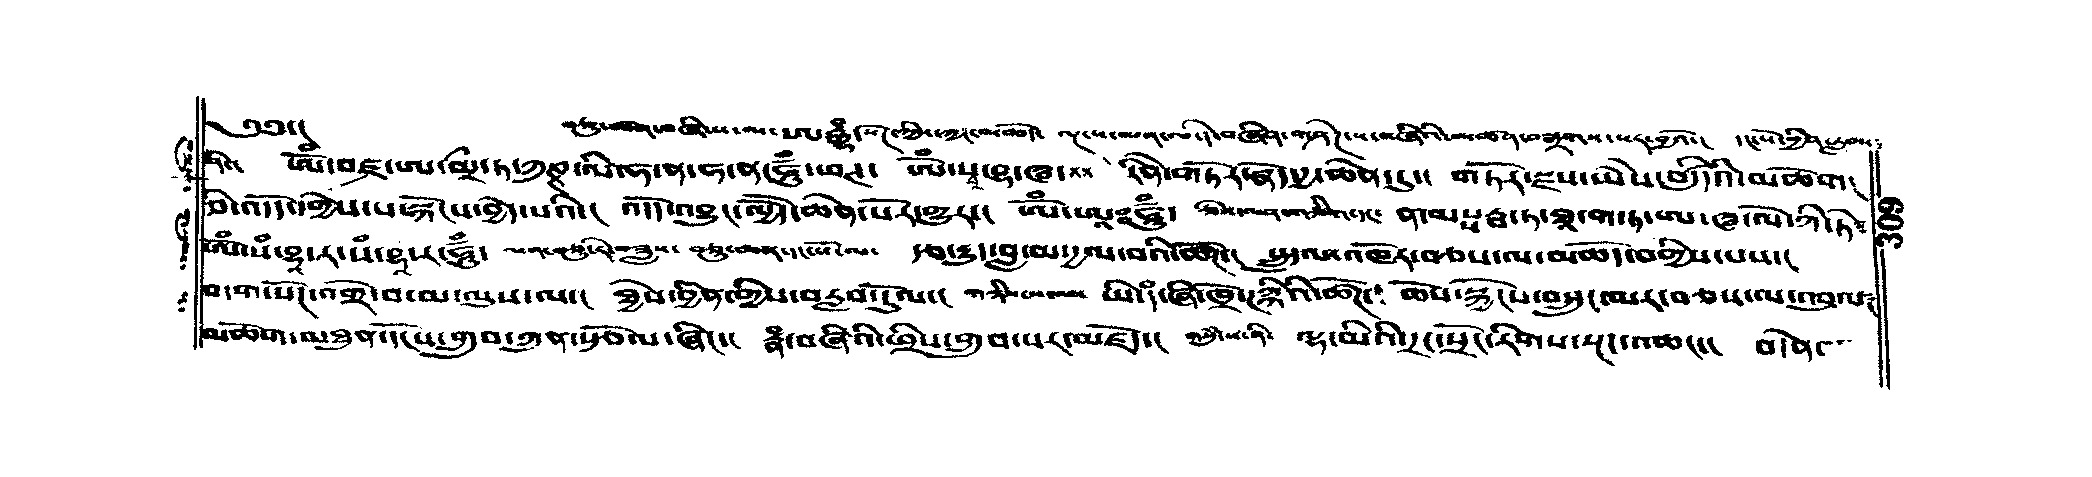བཅུ་ཚན་བཞི་པ་ལ་ཨརྒྷཾ་སོགས་ཀྱིས་ཀྱང་མཆོད། ལྔ་པ་མན་ལ་དེ་བཞིན་བཤེགས་པ་བཞིའི་མཚན་བསྒྲགས་པར་བྱའོ། དང་པོ་བྱིན་རླབས་
ནི། ཨོྃ་བཛྲ་ཨ་མྲྀ་ཏ་ཀུཎྜ་ལི་ཧ་ན་ཧ་ན་ཧཱུྃ་ཕཊ། ཨོྃ་སྭཱ་བྷ་༴ རིན་ཆེན་གཏོར་སྣོད་རྒྱ་ཆེན་དུ། །གཏོར་རྫས་ཡེ་ཤེས་བདུད་རྩིའི་མཆོག་
ཅི་འདོད་དགྱེས་པ་སྐོངས་བྱེད་པའི། །འདོད་འབྱུང་ལོངས་སྤྱོད་ཆེན་པོར་གྱུར། །ཨོྃ་ཨཱཿཧཱུྃ། ཅེས་ལན་གཅིག་དང་། ན་མ་་སྶརྦ་ཏ་ཐཱ་ག་ཏ་ཨ་ཝ་ལོ་ཀི་ཏེ་
ཨོྃ་སཾ་བྷཱ་ར་སཾ་བྷཱ་ར་ཧཱུྃ། ལན་བཅུ་རེ་བཟླས། བཅུ་ཚན་དང་པོ་ལ། རྩ་རྒྱུད་བླ་མ་རྒྱལ་བའི་ཚོགས། །སྤྲུལ་འཁོར་བཅས་ལ་མཆོད་བགྱིས་པས། །
བདག་སོགས་འགྲོ་བ་མ་ལུས་ལ། །ཐུགས་རྗེས་བྱིན་གྱིས་བརླབ་ཏུ་གསོལ། ། གཉིས་པ་ལ། ཡི་དཾ་ཞི་ཁྲོ་ཌཀྐིའི་ཚོགས། །ཆོས་སྐྱོངས་བསྲུང་མར་བཅས་ལ་འབུལ། །
མཆོག་ཐུན་དངོས་གྲུབ་ཀུན་སྩོལ་ཞིང་། །རྣམ་བཞིའི་ཕྲིན་ལས་གྲུབ་པར་མཛོད། ། གསུམ་པ་ནི། ལྷ་མིའི་དྲང་སྲོང་རིགས་སྔགས་འཆང་། །བདེན་